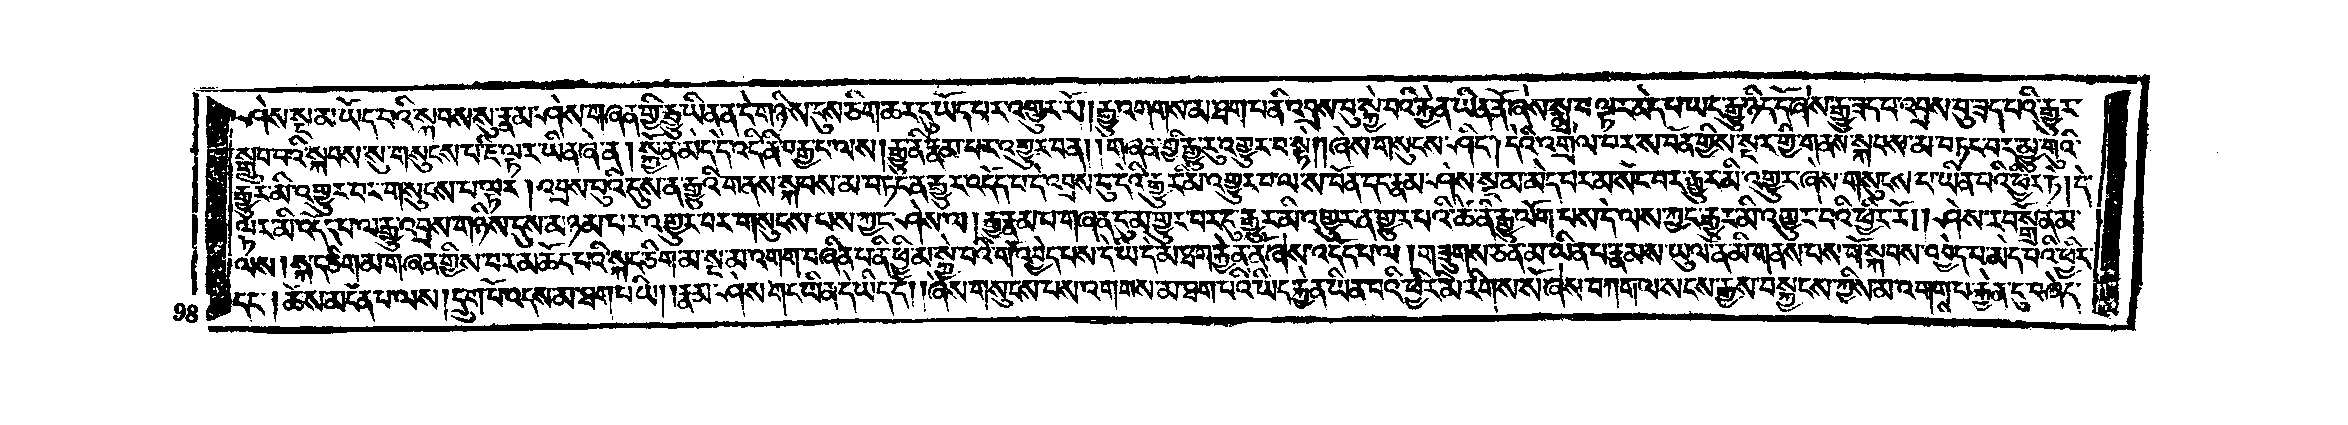ཤེས་སྔ་མ་ཡོད་པའི་སྐབས་སུ་རྣམ་ཤེས་གཞན་གྱི་རྒྱུ་ཡིན་ན་དེ་གཉིས་དུས་ཅིག་ཆར་དུ་ཡོད་པར་འགྱུར་རོ། །རྒྱུ་འགགས་མ་ཐག་པ་ནི་འབྲས་བུ་སྐྱེ་བའི་རྐྱེན་ཡིན་ནོ་ཞེས་སྨྲ་བ་ལྟར་མེད་པ་ཡང་རྒྱུ་ཉིད་དོ་ཞེས་རྒྱུ་ཟད་པ་འབྲས་བུ་ཟད་པའི་རྒྱུར་
སྒྲུབ་པའི་སྐབས་སུ་གསུངས་པ་ཇི་ལྟར་ཡིན་ཞེ་ན། སྐྱོན་མེད་དེ་འདི་ནི་བརྒྱ་པ་ལས། རྒྱུ་ནི་རྣམ་པར་འགྱུར་བ་ན། གཞན་གྱི་རྒྱུ་རུ་འགྱུར་བ་སྟེ། །ཞེས་གསུངས་ཤིང་། དེའི་འགྲེལ་བར་ས་བོན་གྱིས་སྔར་གྱི་གནས་སྐབས་མ་བཏང་བར་མྱུ་གུའི་
རྒྱུར་མི་འགྱུར་བར་གསུངས་པ་ལྟར། འབྲས་བུའི་དུས་ན་རྒྱུའི་གནས་སྐབས་མ་བཏང་ན་རྒྱུར་འདོད་པ་དེ་འབྲས་བུ་དེའི་རྒྱུར་མི་འགྱུར་བ་ལ་ས་བོན་དང་རྣམ་ཤེས་སྔ་མ་མེད་པར་མ་སོང་བར་རྒྱུར་མི་འགྱུར་ཞེས་གསུངས་པ་ཡིན་པའི་ཕྱིར་ཏེ། དེ་
ལྟར་མི་འདོད་པ་ལ་རྒྱུ་འབྲས་གཉིས་དུས་མཉམ་པར་འགྱུར་བར་གསུངས་པས་ཀྱང་ཤེས་ལ། རྒྱུ་རྣམ་པ་གཞན་དུ་མ་གྱུར་བར་དུ་རྒྱུར་མི་འགྱུར་ན་གྱུར་པའི་ཚེ་ནི་རྒྱུ་ལོག་བས་དེ་ལས་ཀྱང་རྒྱུར་མི་འགྱུར་པའི་ཕྱིར་རོ། །ཤེས་རབ་སྒྲོན་མ་
ལས། སྐད་ཅིག་མ་གཞན་གྱིས་བར་མཆོད་པའི་སྐད་ཅིག་མ་སྔ་མ་འགག་བཞིན་པ་ནི་ཕྱི་མ་སྐྱེ་བའི་གོ་འབྱེད་པས་དེ་ཡི་དེ་མ་ཐག་རྐྱེན་ནོ་ཞེས་འདོད་པ་ལ། གཟུགས་ཅན་མ་ཡིན་པ་རྣམས་ཡུལ་ནི་མི་གནས་པས་གོ་སྐབས་འབྱེད་པ་མེད་པའི་ཕྱིར་
དང་། ཆོས་མངོན་པ་ལས་།དྲུག་པོ་འདས་མ་ཐག་པ་ཡི། །རྣམ་ཤེས་གང་ཡིན་དེ་ཡིད་དོ། །ཞེས་གསུངས་པས་འགགས་མ་ཐག་པའི་ཡིད་རྐྱེན་ཡིན་པའི་ཕྱིར་མི་རིགས་སོ་ཞེས་བཀག་ལ་སངས་རྒྱས་བསྐྱངས་ཀྱིས་མ་འགགས་པ་རྐྱེན་དུ་བཞེད་